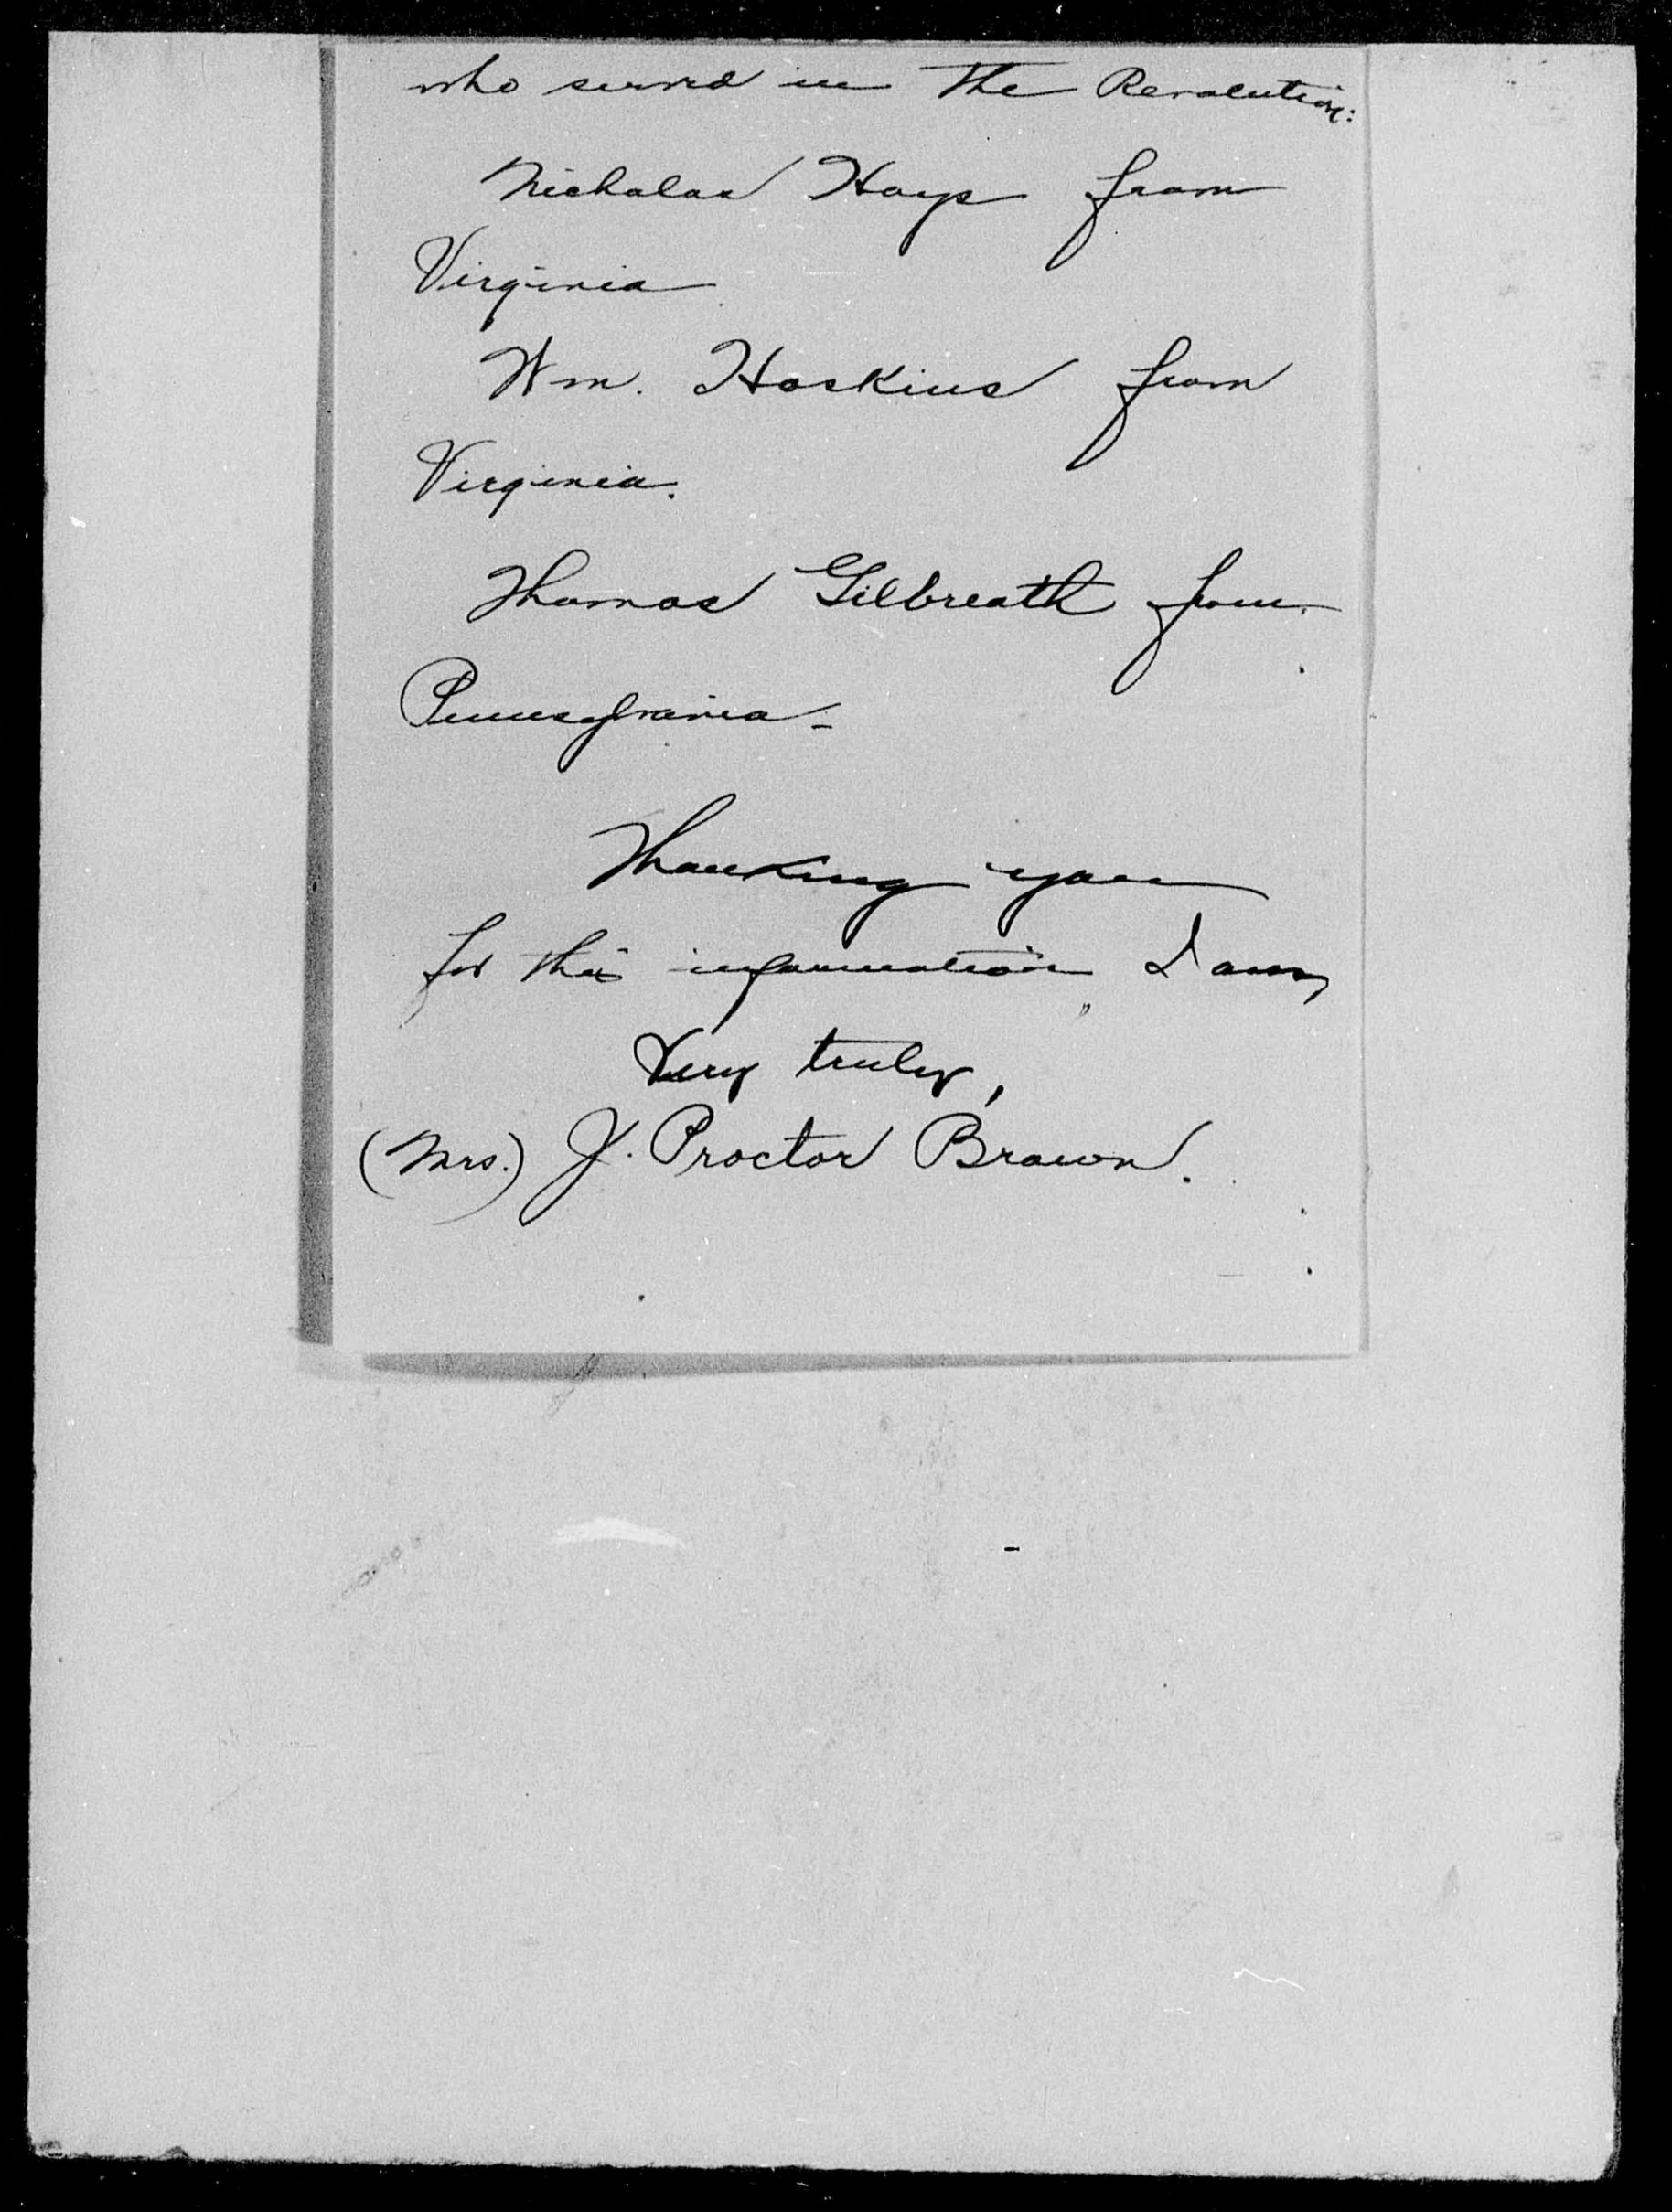who served in the Revolution:
Nicholas Hays from Virginia.
Wm. Hoskins from Virginia.
Thomas Gilbreath from Pennsylvania.
Thanking you for this information I am,
very truly.
(Mrs.) J. Proctor Brown.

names: J Proctor Brown, Nicholas Hays, Wm Hoskins, Thomas Gilbreath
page: 22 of 24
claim: survivor's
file: S. 38727, Thomas Gilbreath, Penn.